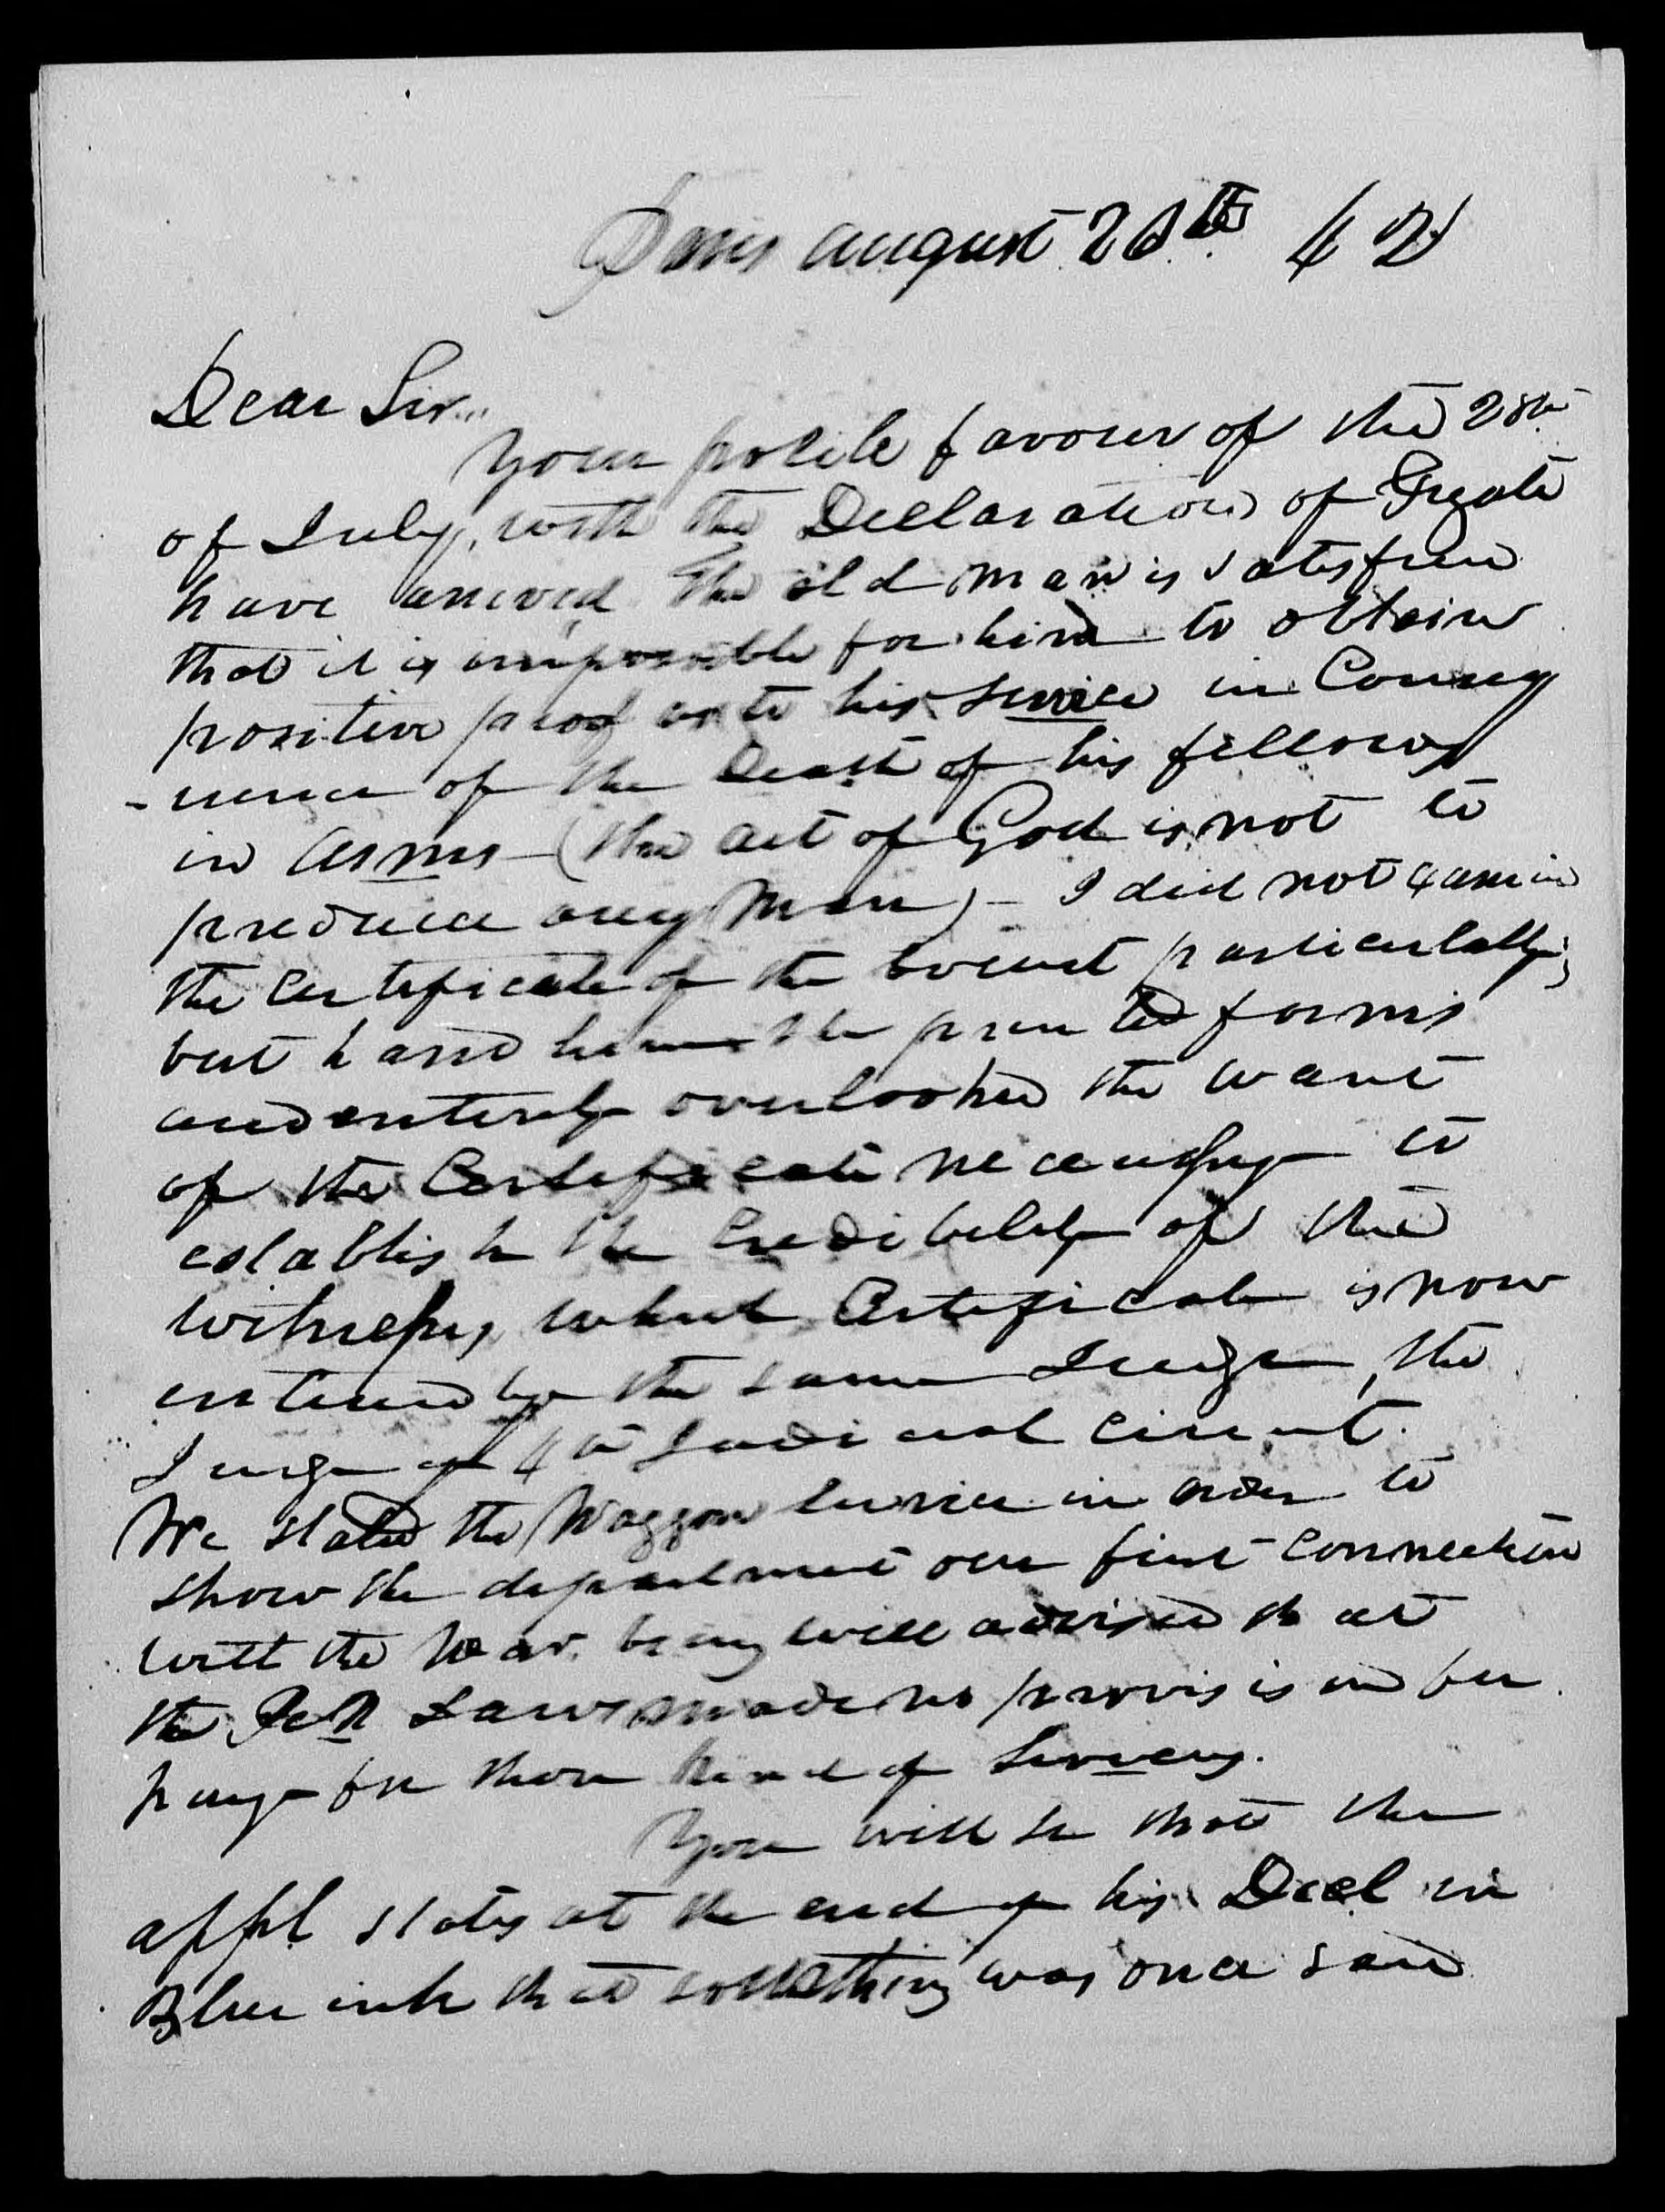Paris august 20th 42
Dear Sir, 
Your polite favour of the 28th of July, with the Declaration of Fugate have [illegible] the old man is [illegible] find that it is improbable for him to obtain positive proof on to his service in consequence of the Death of his fellows in arms – (the act of God is not to produce any man) – I did not [illegible] in the certificate of the court particularly; but hand him the pen to forms and entirely overlooked the want of the [illegible] necessary to establish the credibility of the witnesses what Certificate is now witnessed by the same Judge, the Judge of 4th judicial circuit. He stated the Waggon service in order to show the department our first connection with the War, being well advised that the [illegible] Law made no provision for pay for there hand of [illegible]. 
You will see that the appl states that the end of his Decl in Blue ink that something was once said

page: 16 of 18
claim: survivor's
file: S. 15,846, James Fugate, Va.